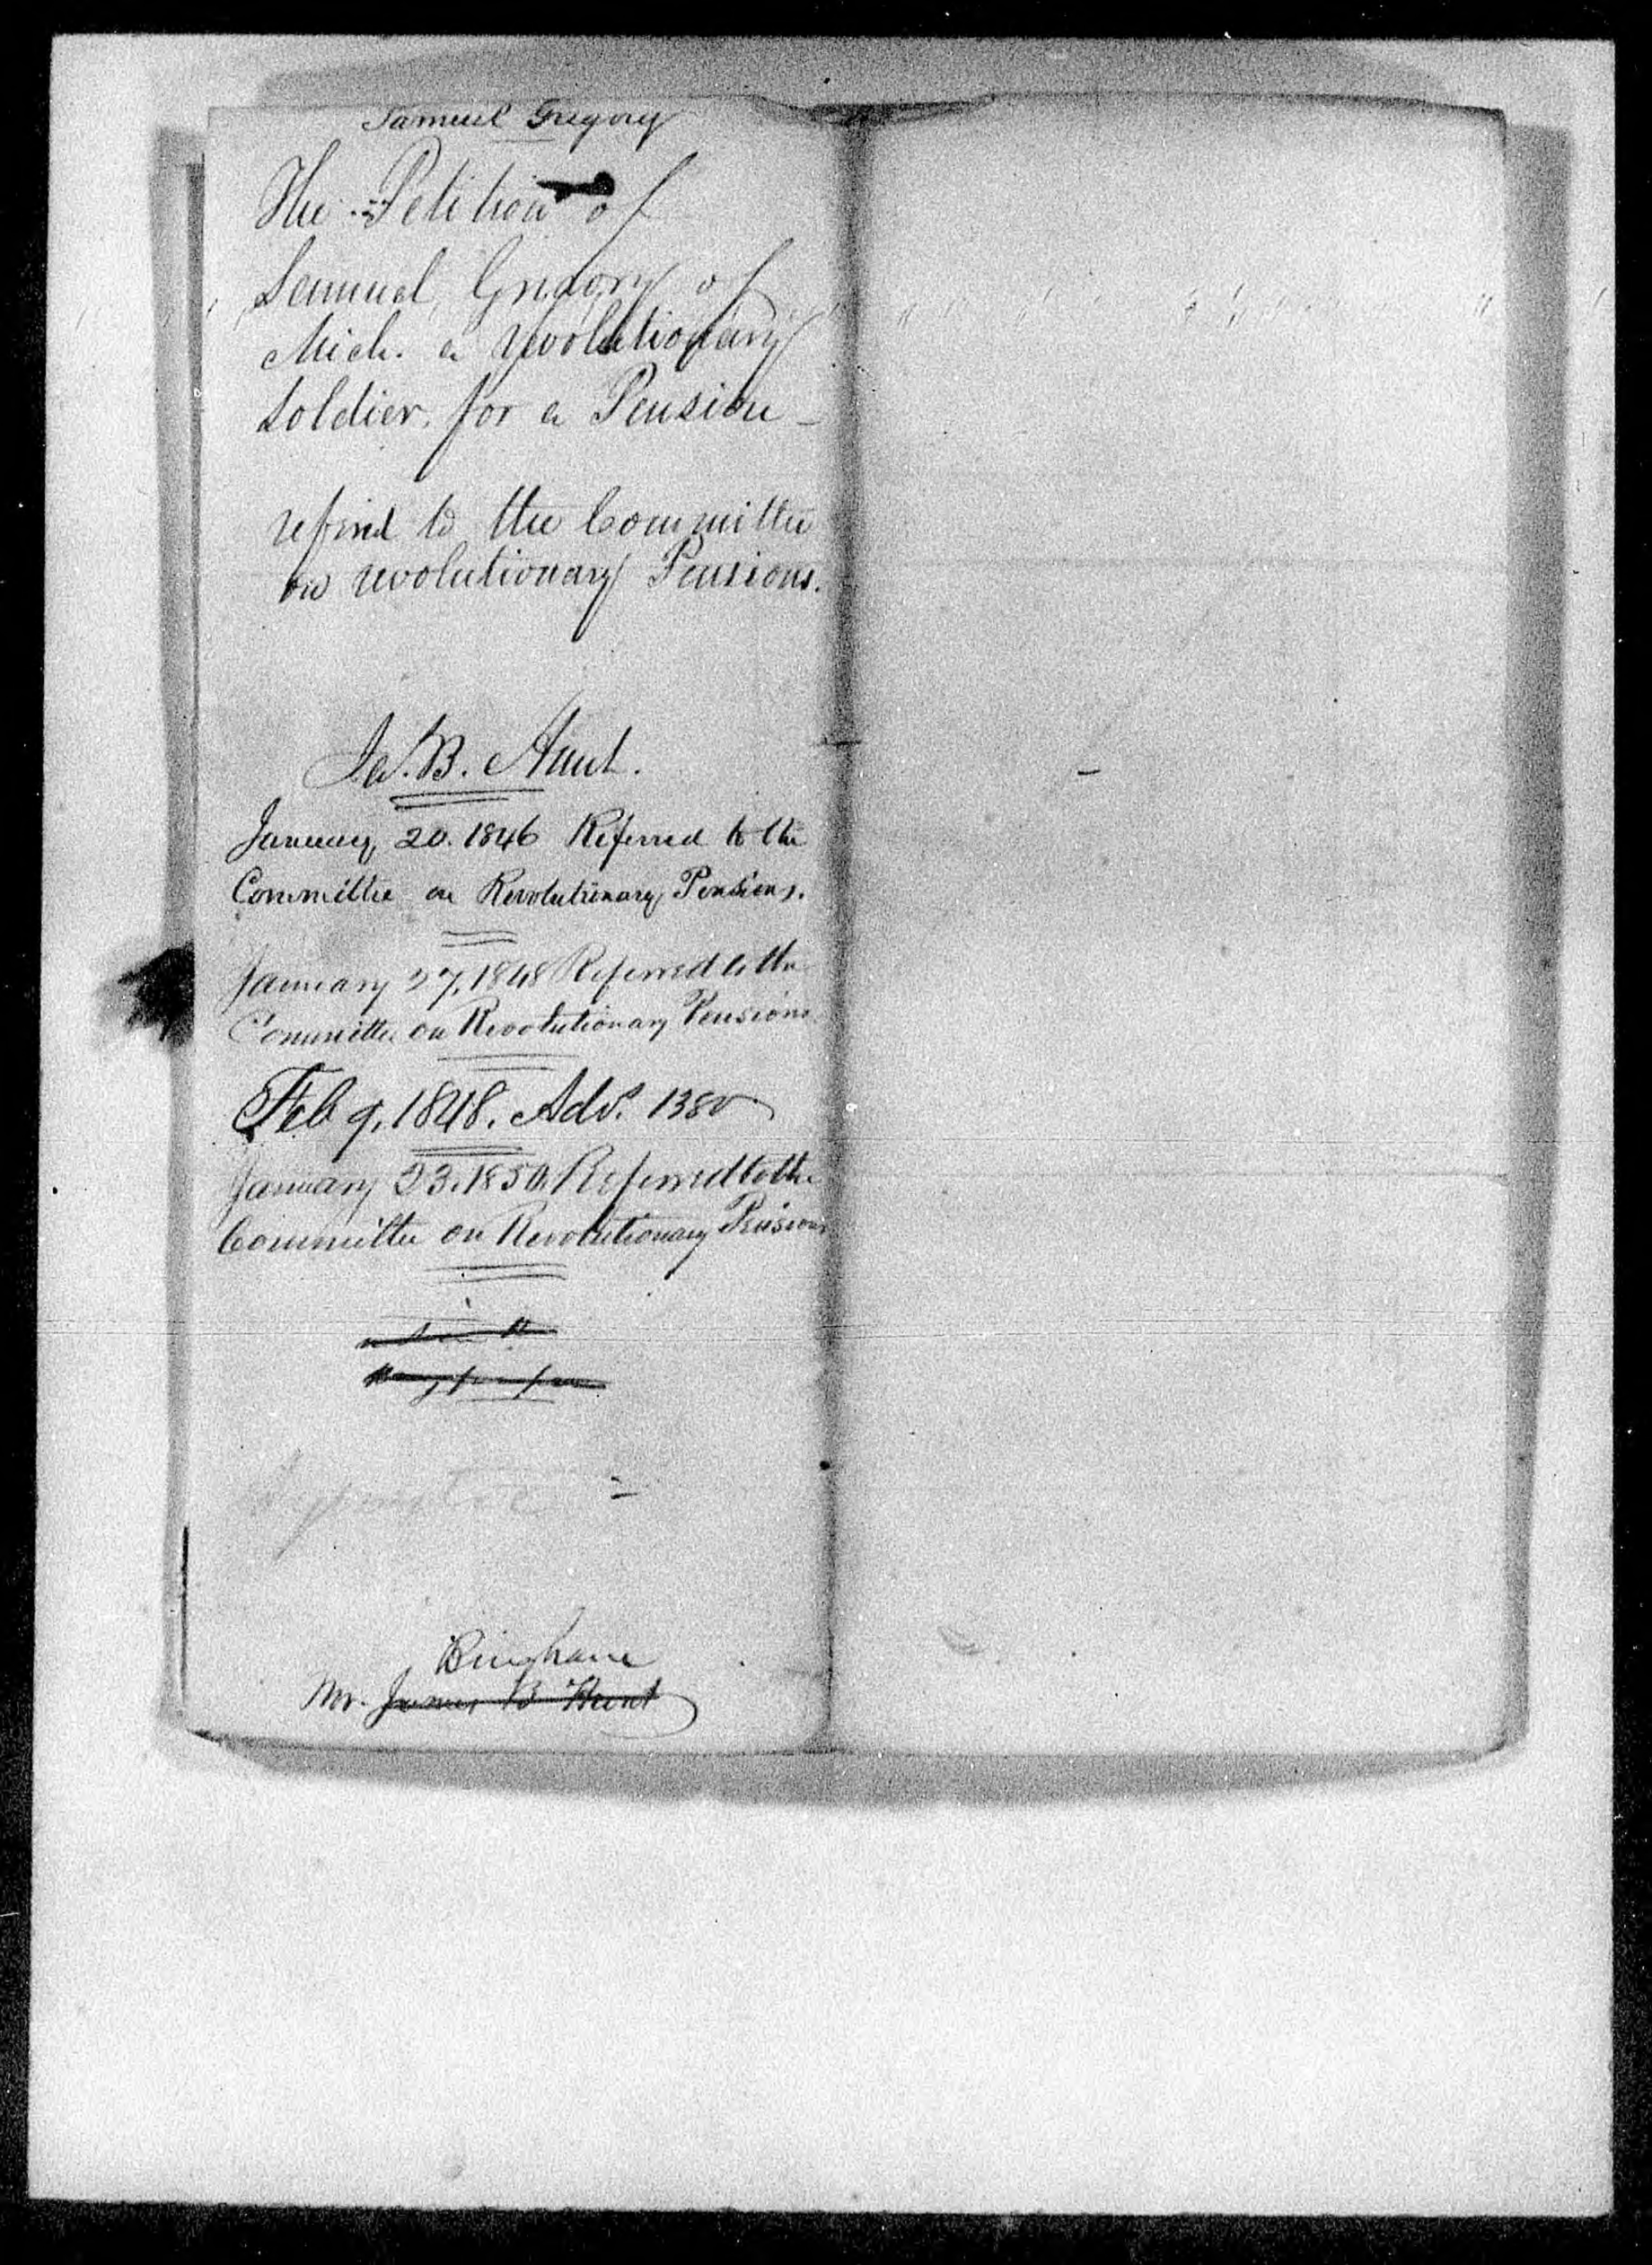Samuel Gregory

The Petition of Samuel Gregory of Mich. a Revolutionary soldier for a Pension

Refind to the committee of Revolutionary Pensions

J.B. Hunt
January 20, 1846 Referred to the Committee on Revolutionary Pensions,

January 27,1848 Referred to the Committee on Revolutionary Pensions

Feb 8, 1848  Adv 1380

January 23 1850 Referred to the Committee on Revolutionary Pensions

Mr. Bingham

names: James B Hunt, Samuel Gregory, Jas B Hunt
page: 13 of 66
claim: rejected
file: R. 4298, Samuel Gregory, New York